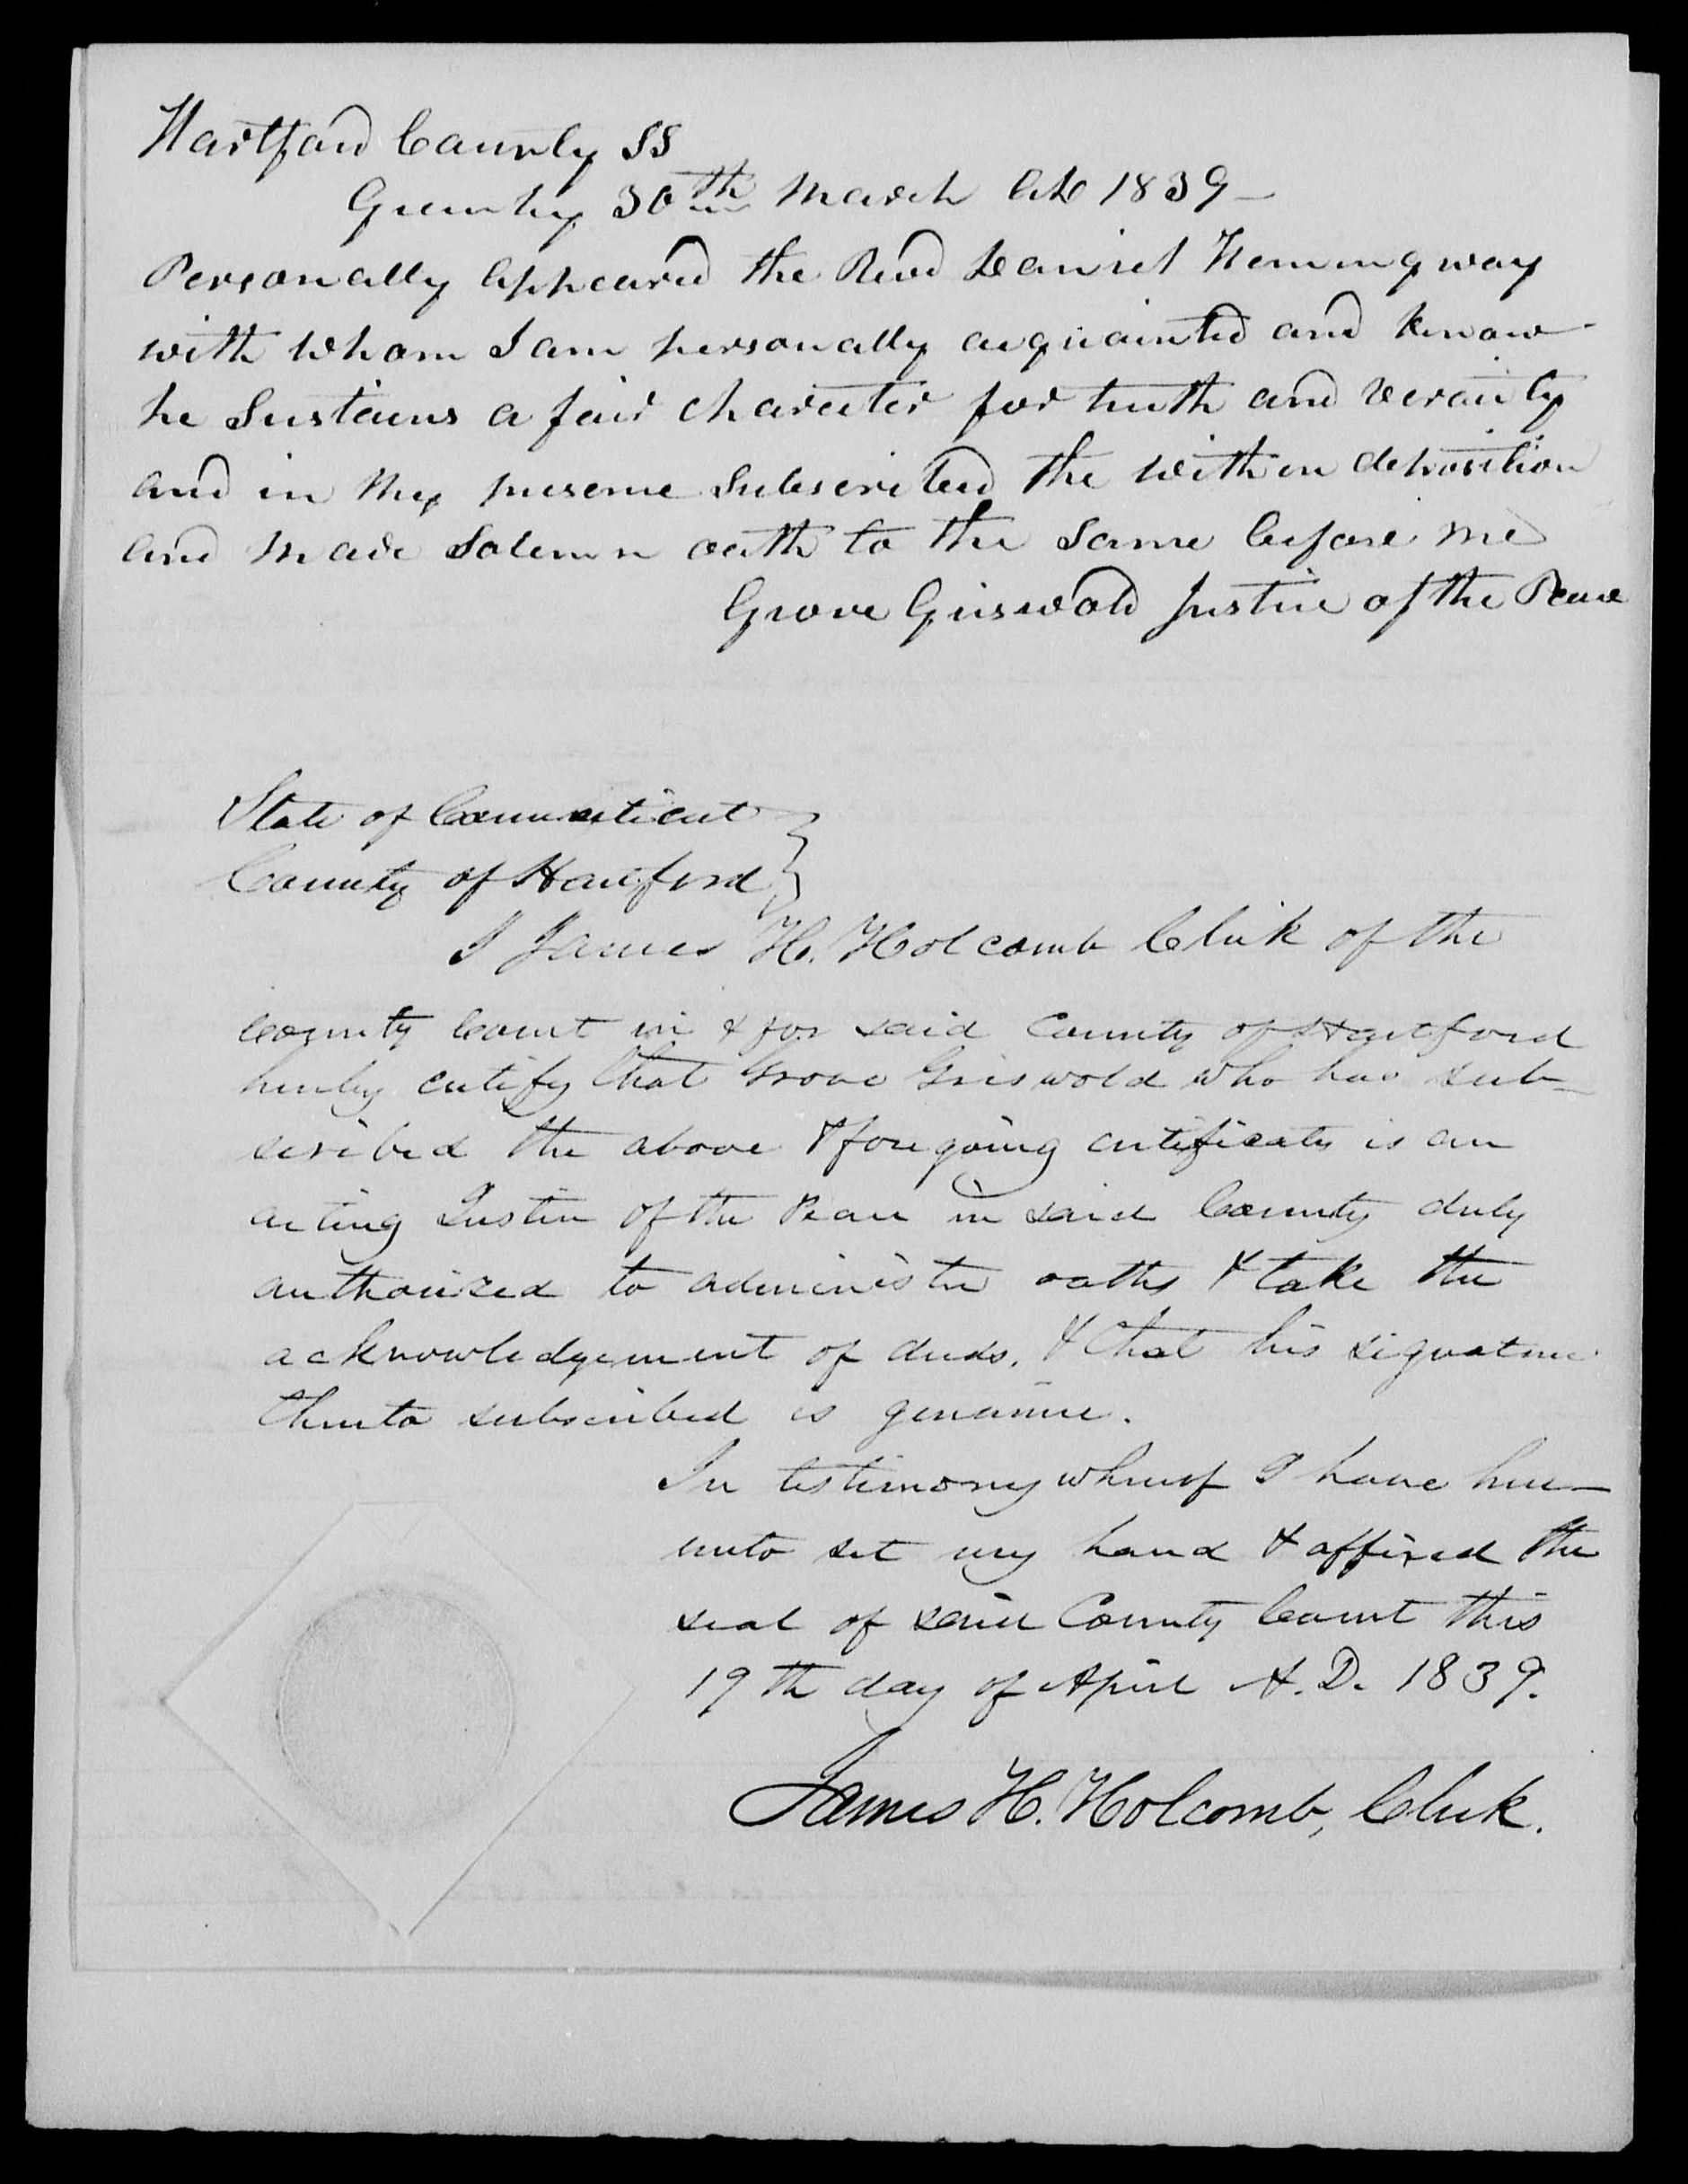[handwritten]
Hartford County SS 
Granby 30th March 1839 –
Personally appeared the Revd Daniel Hemingway with whom I am personally acquainted and know he Sustains fair character for truth and veracity and in My presence Subscribed the within deposition and Made Solemn oath to the Same before me
[signed] Grove Griswold Justice of the Peace

State of Connecticut}
County of Hartford}
I James H Holcomb Clerk of the county court in & for said County of Hartford hereby certify that Grove Griswold who has subscribed the above & foregoing certificate is an acting Justice of the Peace in Said County duly authorized to administer oaths & take the acknowledgement of deeds. & that his signature thereto subscribed is genuine.
In testimony whereof I have hereunto set my hand & affixed the seal of said County Court this 19th day of April A.D. 1839.
[signed] James H. Holcomb, Clerk
[affixed to the left of the signature is a square slip of paper with a round illegible stamp]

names: James H Holcomb, Daniel Hemingway, Grove Griswold, James H Holcomb, Grove Griswold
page: 13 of 26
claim: widow's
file: W. 14483, Reuben Clark, Conn.